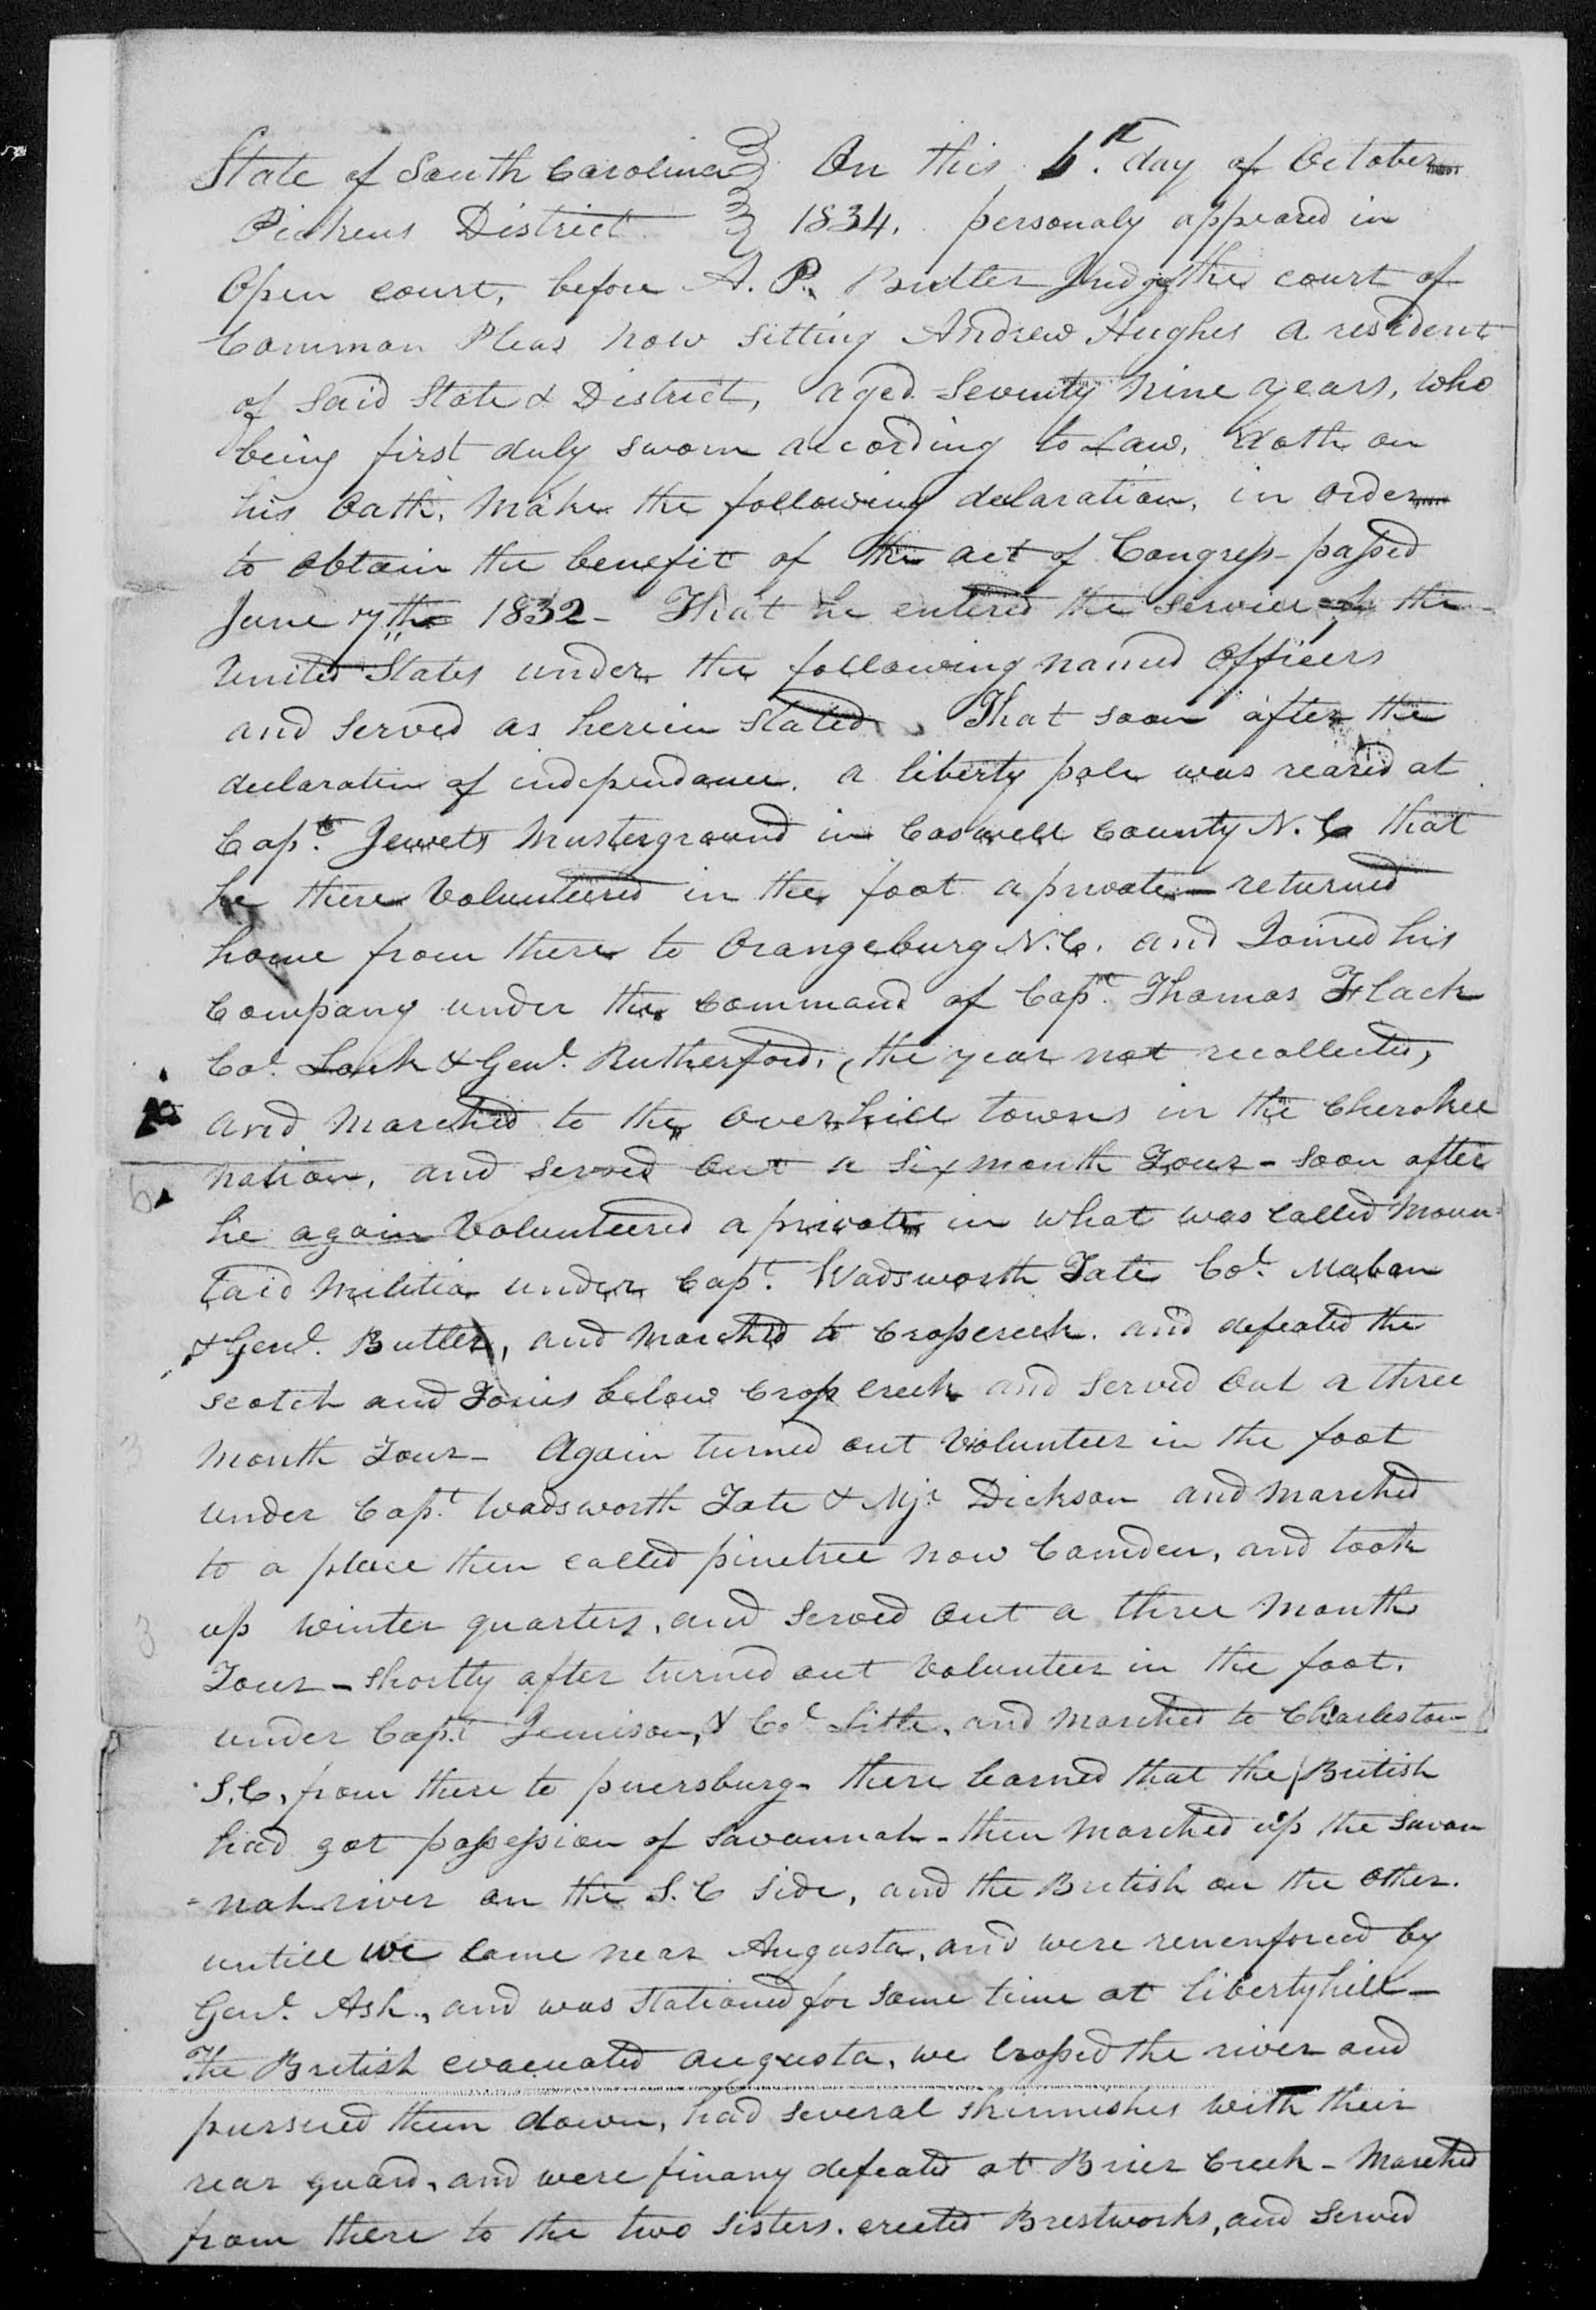State of South Carolina
Pickens District

On this 6th day of October 1834, personally appeared in Open Court, before A.P. Butler Judge of the court of Common Pleas now sitting Andrew Hughes a resident
of said State & District, aged Seventy nine years, who being first duly sworn according to law, doth on his oath, make the following declaration, in order to obtain the benefit of the act of Congress passed June 7th 1832. That he entered the service of the United States under the following named officers and served as herein stated That soon after the
declaration of independance, a liberty pole was reared at Capt Jewets Musterground in Caswell County N. C. that he there volunteered in the foot a private returned home from there to Orangeburg N.C. and joined his
Company under the command of Capt Thomas Flack Col Lack & Genl Rutherford, (the year not recollected, and marched to the Overhill towns in the Cherokee nation, and served out a six month tour-- Soon after he again volunteered a private in what was called Mountain Militia under Capt Wadsworth Tate Col Mahan
& Genl Butler, and marched to Crosscreek, and defeated the Scotch and Tories below Cross creek and served out a three month Tour.  Again turned out volunteer in the foot under Capt Wadsworth Tate & Mjr Dickson and marched to a place then called pinetree now Camden, and took up winter quarters, and served out a three month Tour-- shortly after turned out volunteer in the foot under Capt Jamison & Col Litle, and marched to Charlestown S.C. from there to pursburg [Purrysburg]. there learned that the British had got possession of Savannah, then marched up the Savannah river on the S.C. Side, and the British on the other.
untill we came near Augusta, and were reinforced by Genl Ash, and was stationed for some time at liberty hill. 
The British evacuated Augusta, we crossed the river and pursued them down, had several skirmishes with their rear guard, and were finany defeated at Brier Creek-- Marched
from there to the two sisters erected Brestworks, and served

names: Rutherford, Butler, Lack, Jemison, Mahan, Ash, A P Butler, Dickson, Litle, Andrew Hughes, Brestworks, Wadsworth Tate, Thomas Flack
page: 6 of 75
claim: widow's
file: W. 25805, Andrew Hughes, N.C.